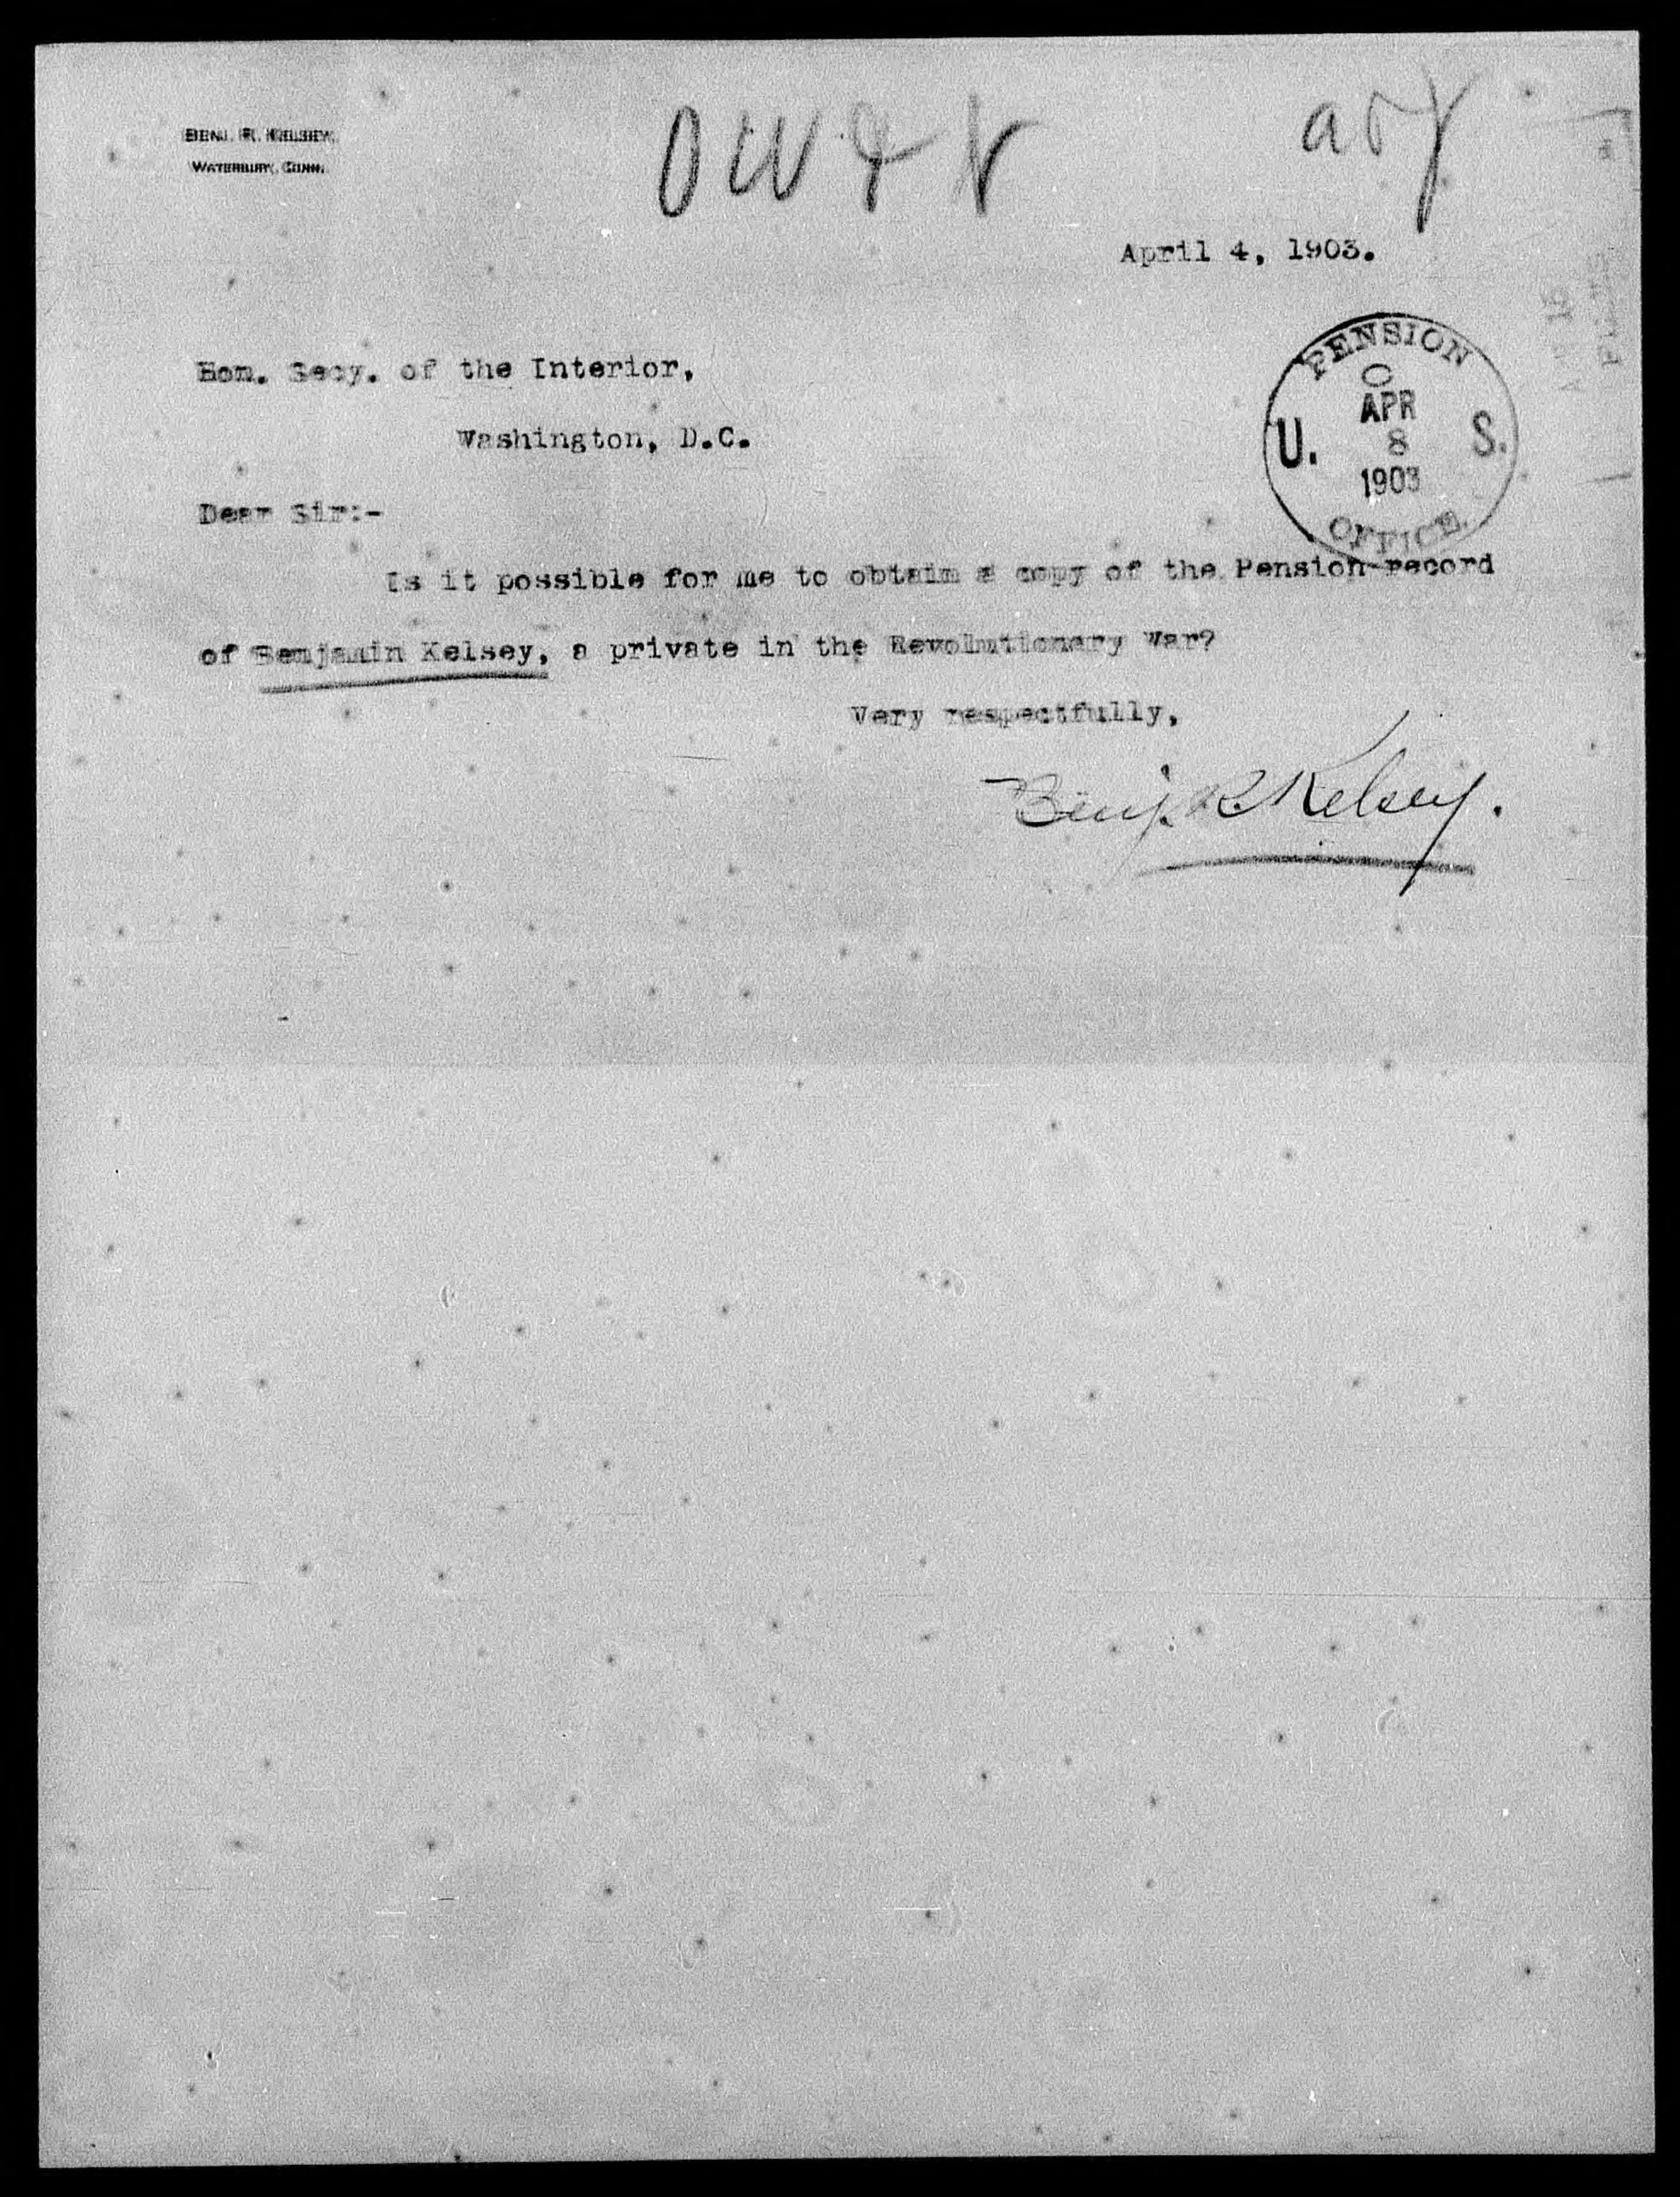BENJ R. KELSEY
WATERBURY CONN
OW & N  ALJ
April 4, 1903
[stamp] U.S. PENSION OFFICE  O APR 8 1903
Hon. Secy. of the Interior,
Washington, DC 
Sir:- 
Is it possible for me to obtain a copy of the Pension record of Benjamin Kelsey, a private in the Revolutionary War? 
Very respectfully, 
Benj R Kelsey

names: Benjamin Kelsey; Benj R Kelsey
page: 20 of 21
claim: survivor's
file: S. 36676, for Benjamin Kelsey, Connecticut